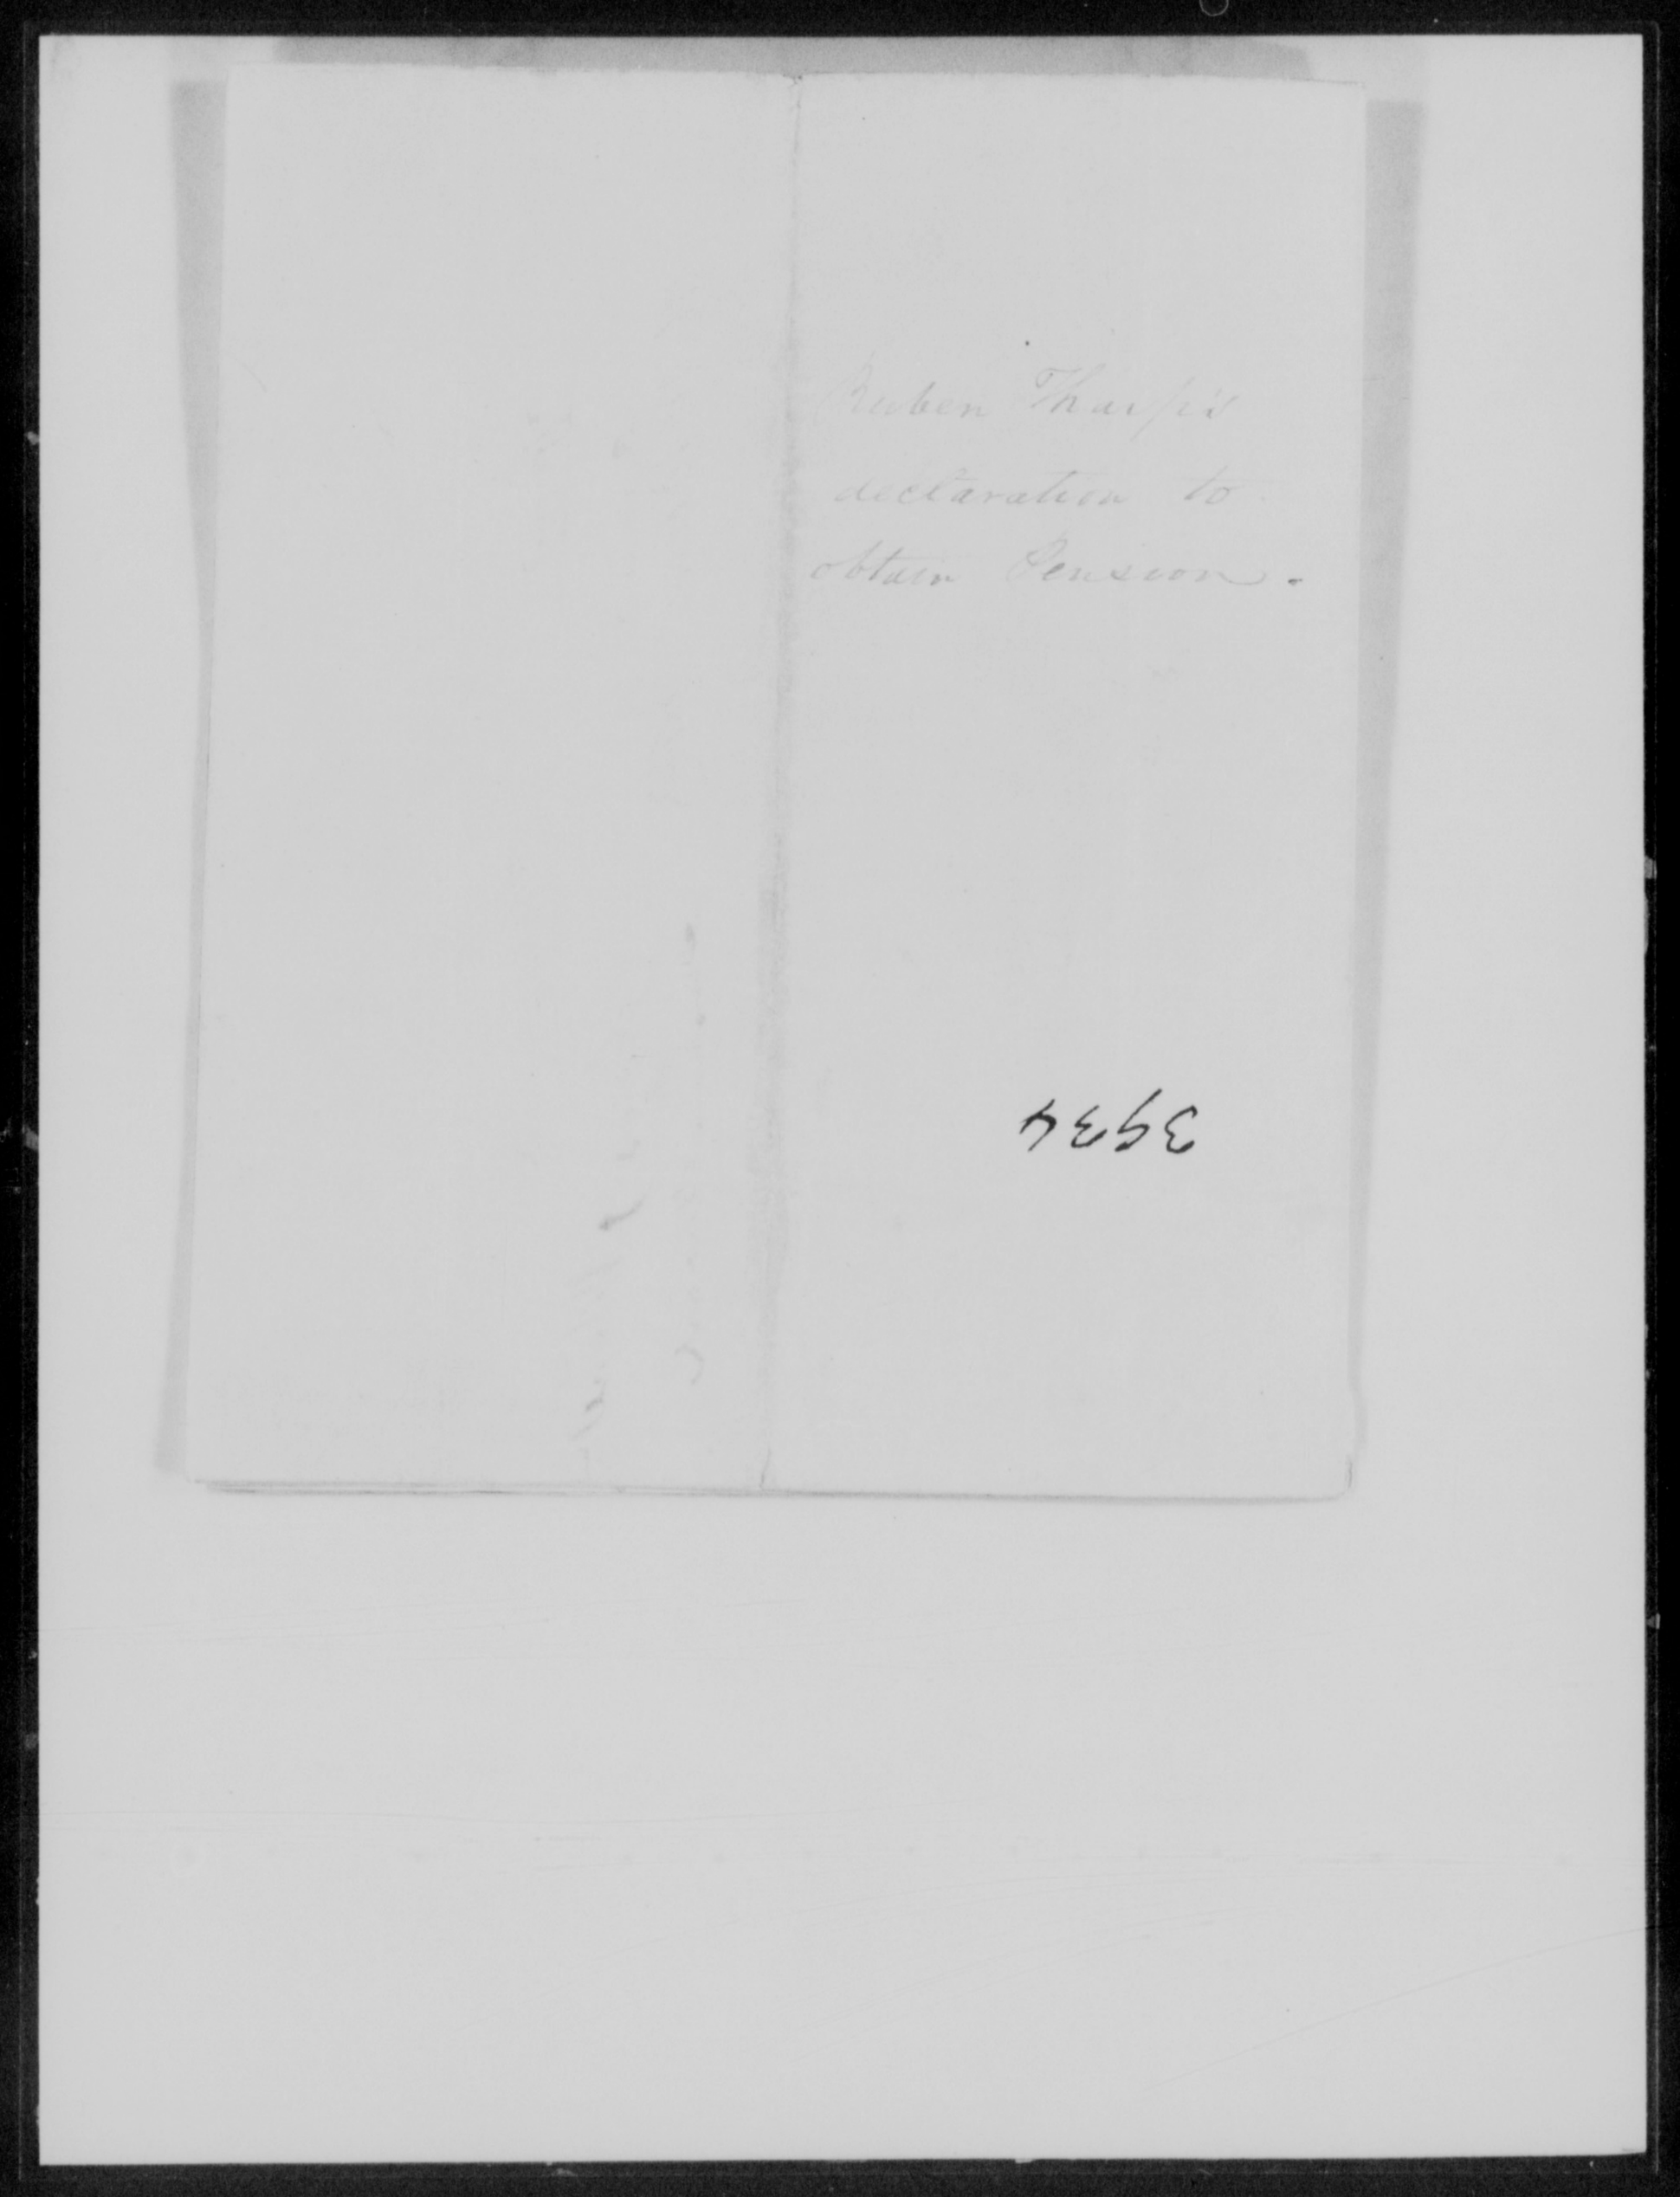Ruben Tharp
declaration to
obtain Pension.
3934 [upside down]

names: Reuben Tharp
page: 5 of 28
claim: survivor's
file: S. 6229, for Reuben Thorp, New Jersey